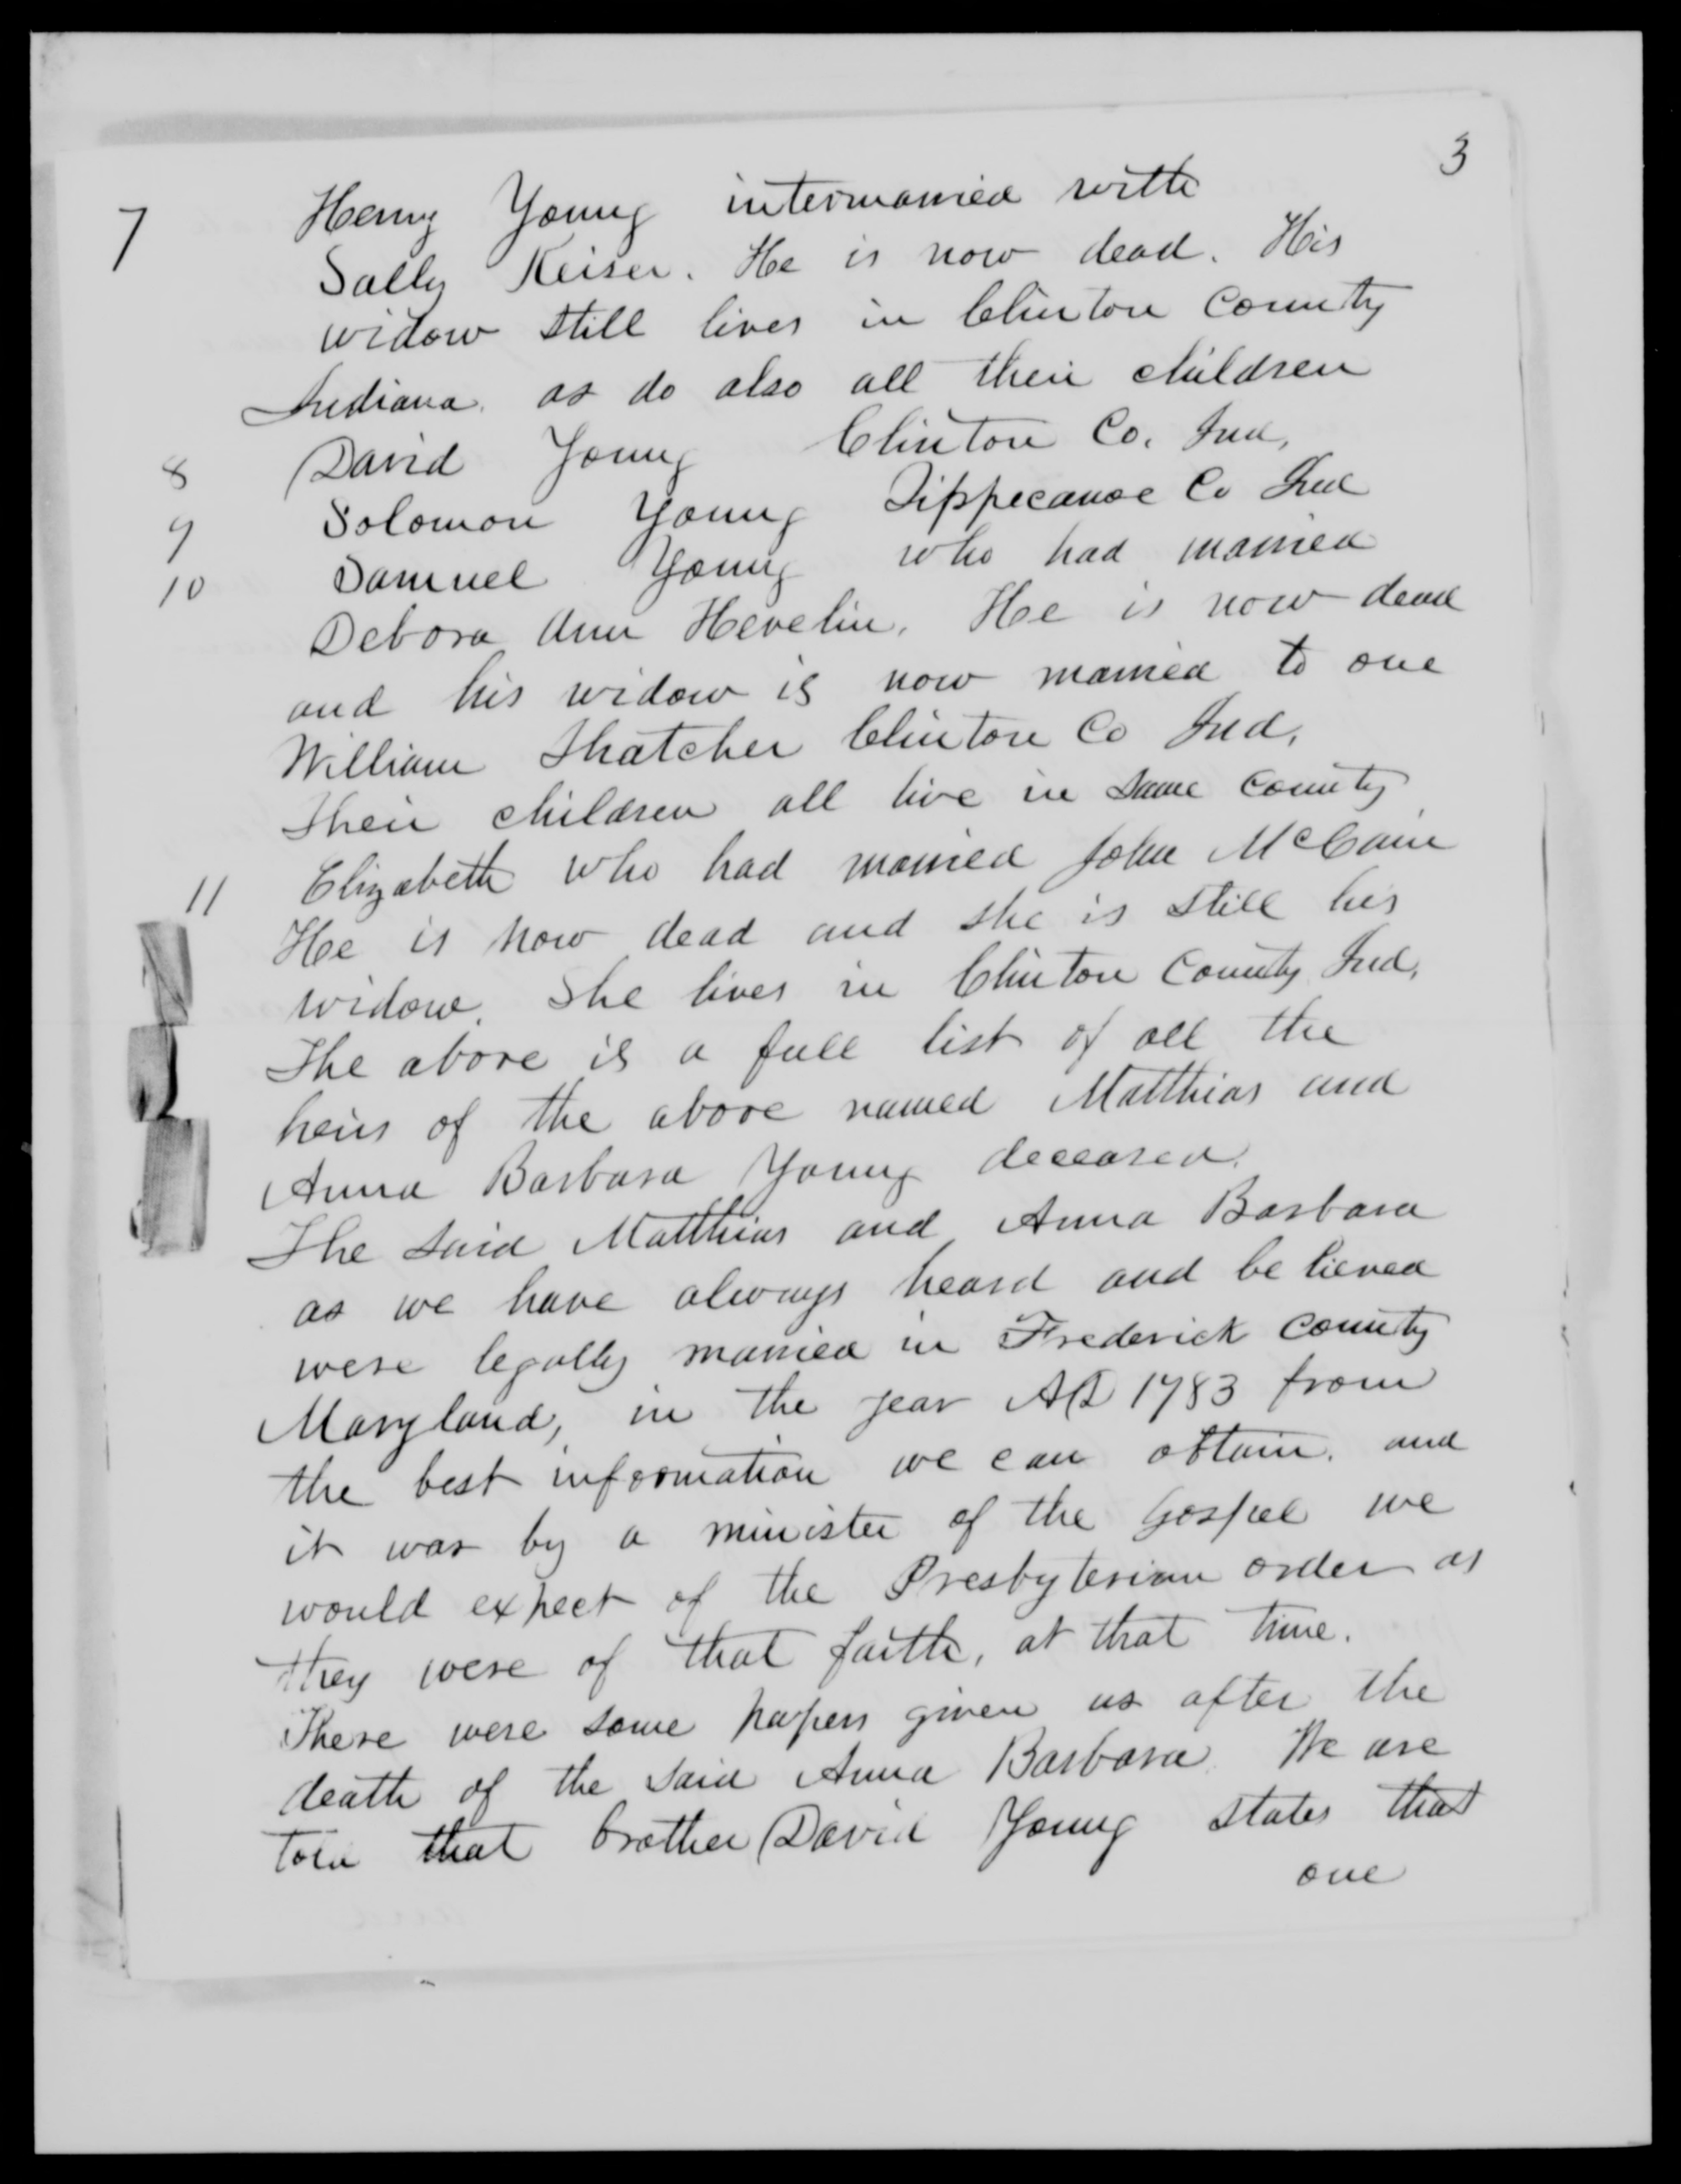3 
7 Henry Young intermarried with
 Sally Keiser. He is now dead. His
Widow still lives in Clinton County
Indiana as do also all their children.
8 David Young Clinton Co. Ind
9 Solomon Young Tippecanoe Co Ind
10 Samuel Young who had married
Debora Ann Hevelin. He is now dead
and his widow is now married to one
William Thatcher Clinton Co Ind.
Their children all live in same County.
11 Elizabeth who had married John McCain.
He is now dead and she is still his
Widow. She lives in Clinton County Ind.
The above is a full list of all the
heirs of the above named Matthias and
Anna Barbara Young deceased, 
The said Matthias and Anna Barbara, 
as we have always heard and believed
were legally married in Frederick County
Maryland, in the year AD 1783 from
the best information we can obtain, and
it was by a minister of the Gospel. We
would expect of the Presbyterian order as
they were of that faith, at that time.
There were some papers given us after the
death of the said Anna Barbara. We are
told that brother David Young states that one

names: Samuel Young, Solomon Young, Elizabeth, William Thatcher, Sally Keiser, Debora Ann Hevelin, Henry Young, David Young, Matthias Young, John Mc Cain, Anna Barbara Young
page: 98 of 123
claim: rejected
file: R. 11,949, Matthias Young, Md.